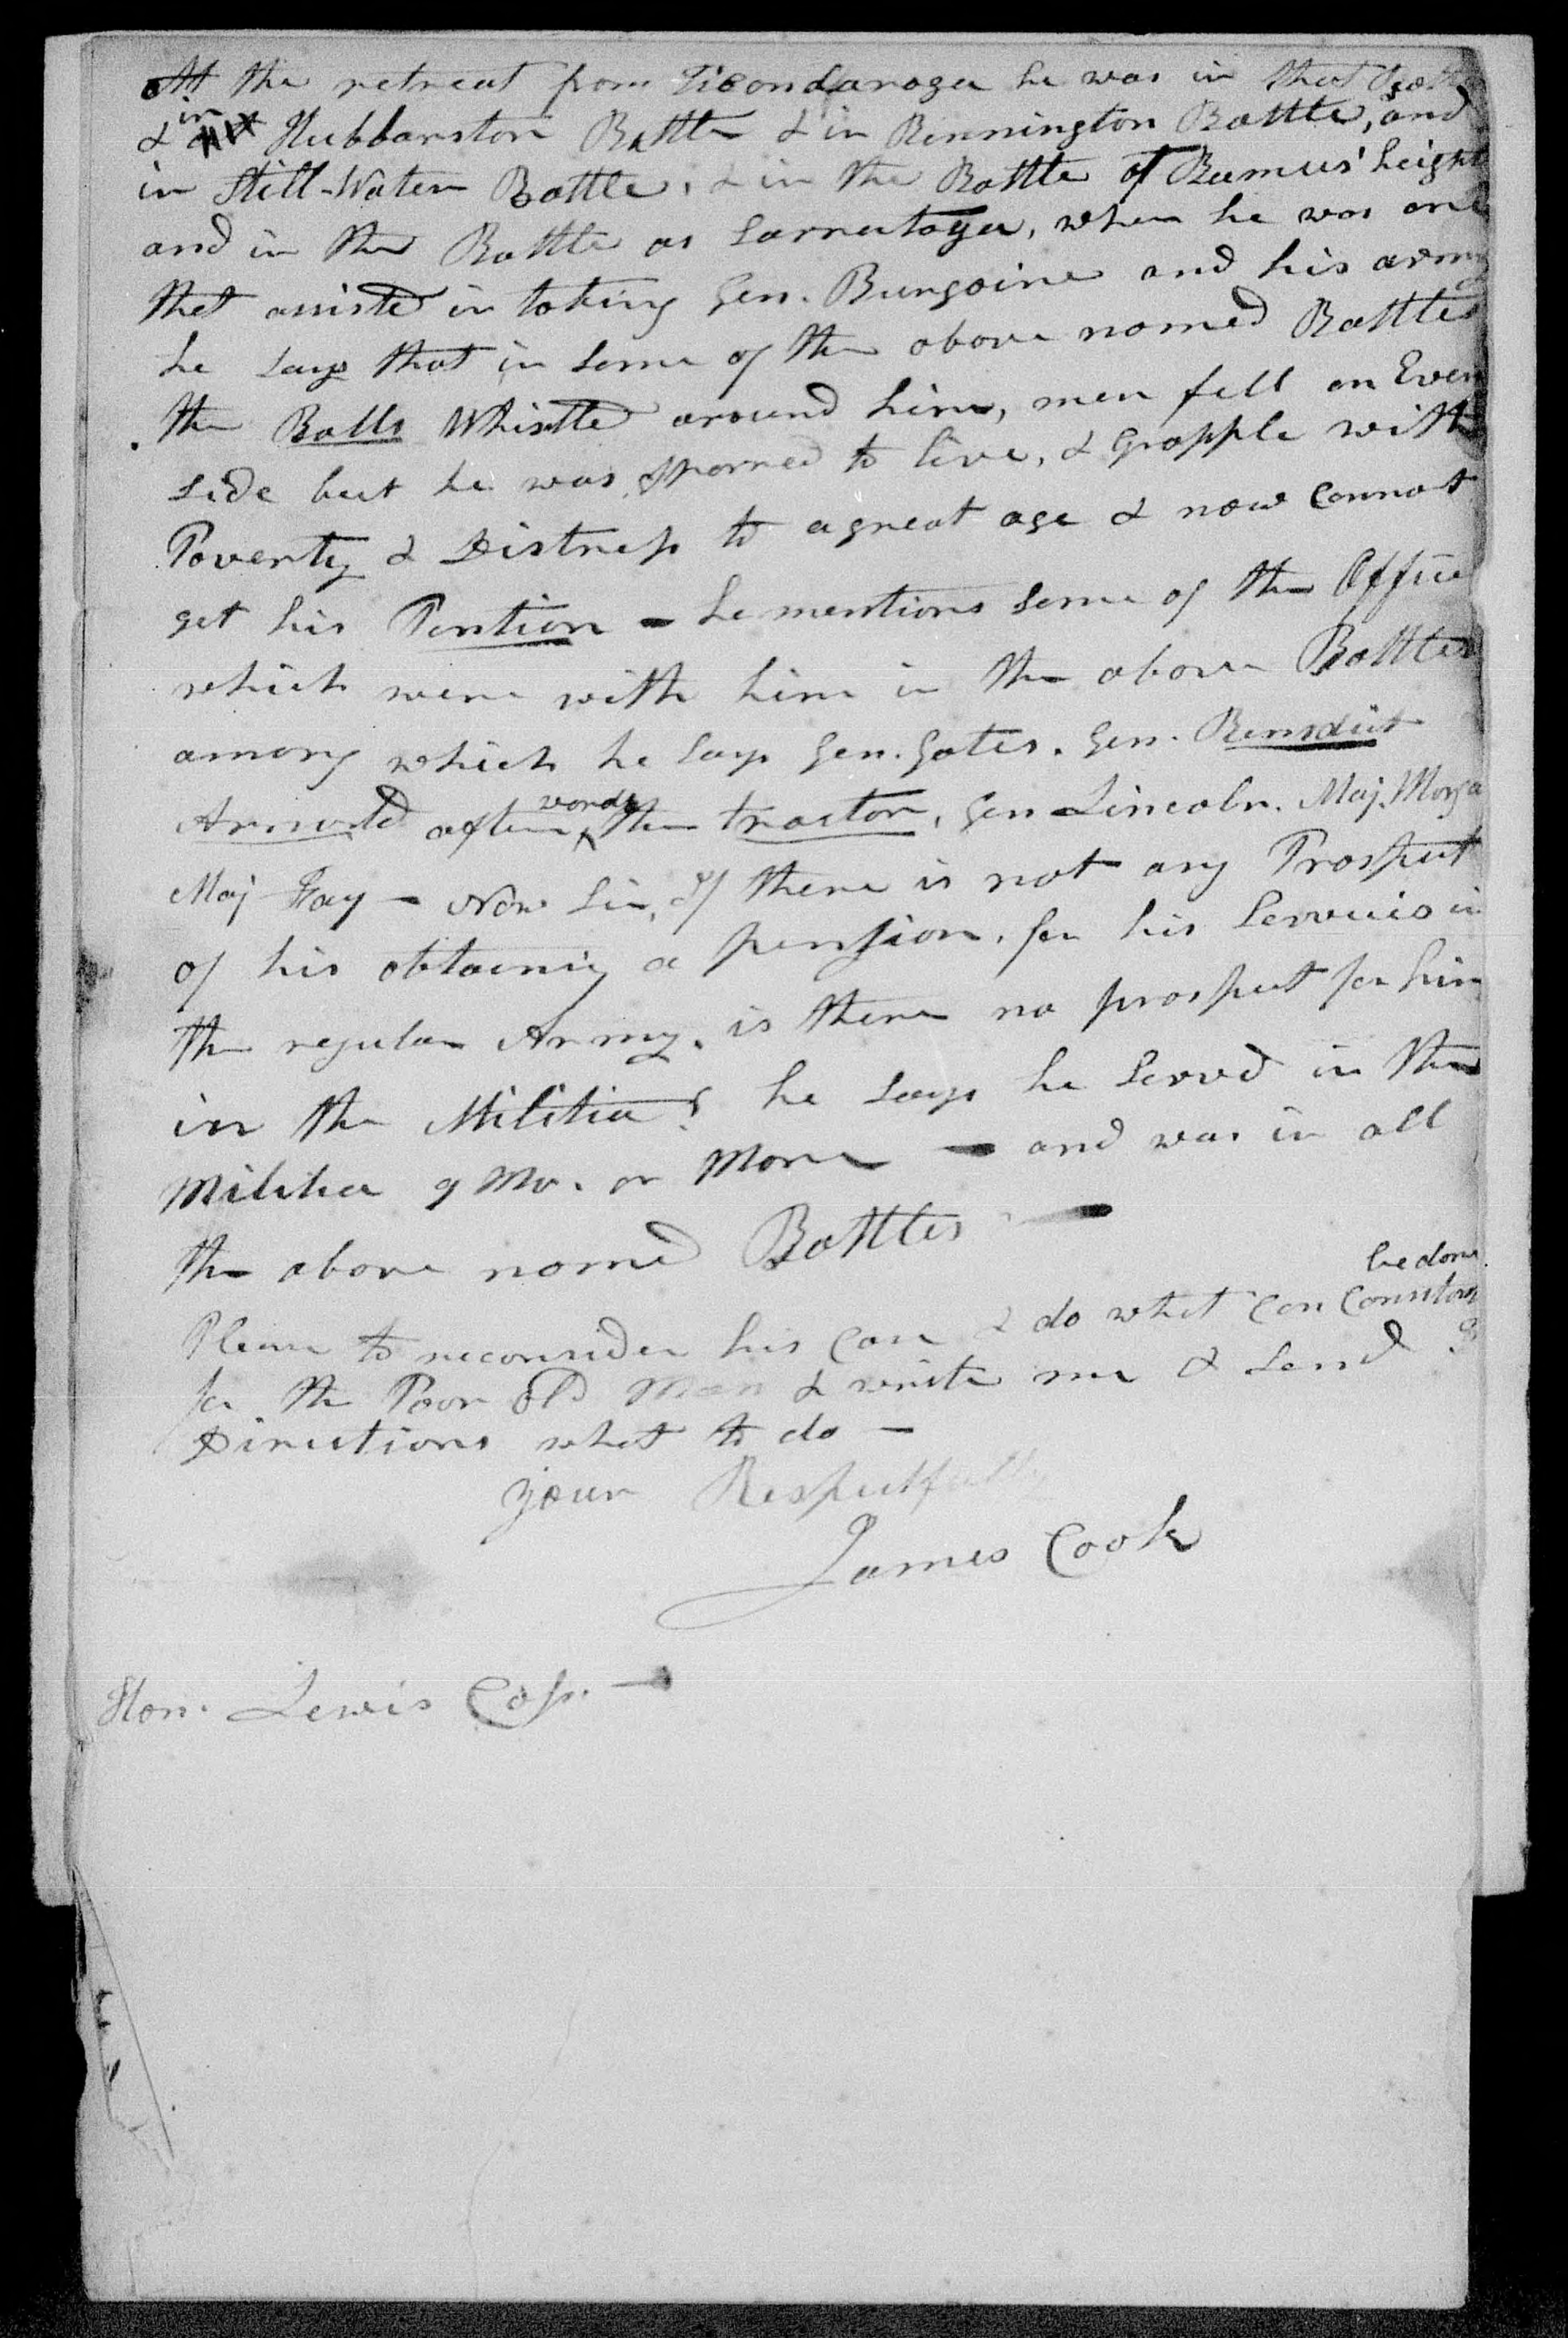[handwritten letter]
At the retreat from Ticonderoga he was in that [illegible] & ['at' crossed out] in Hubbardton Battle & in Bennington Battles, and in Still-Water Battle, & in the Battles of Beemus' heights and in the Battle as Saratoga, when he was one that assisted in taking Gen. Burgoine (Burgoyne) and his army he says that in some of the above named Battles the Balls Whistle around him, men fell on Eventide but he was spared to live & grapple with Poverty & Distress to a great age & now cannot get his Pention - he mentions some of the Officers which serve with him in the above Battles among which he says Gen. Gates. Gen. Benedict Arnold after ward then traitor Gen Lincoln, Maj. Morgan Maj Fay - Now Sir, If there is not any Prospect of his obtaining a pension, for his services in the regular Army, is there no prospect for him in the Militia? he says he served in the Militia 7 Mo. or More - and was in all the above named Battles - 
Please to reconsider his case  & do what can consider be done for the Poor old Man & write me I send Directions what to do - 
Your Respectfully
/s/James Cook
Hon. Lewis Cass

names: Benedict Arnold, Burgoine, Lincoln, James Cook, Lewis Cass, Gates, Fay, Morgan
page: 15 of 43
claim: survivor's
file: S. 28748, Eleazer Grover, Continental Mass. Vt.